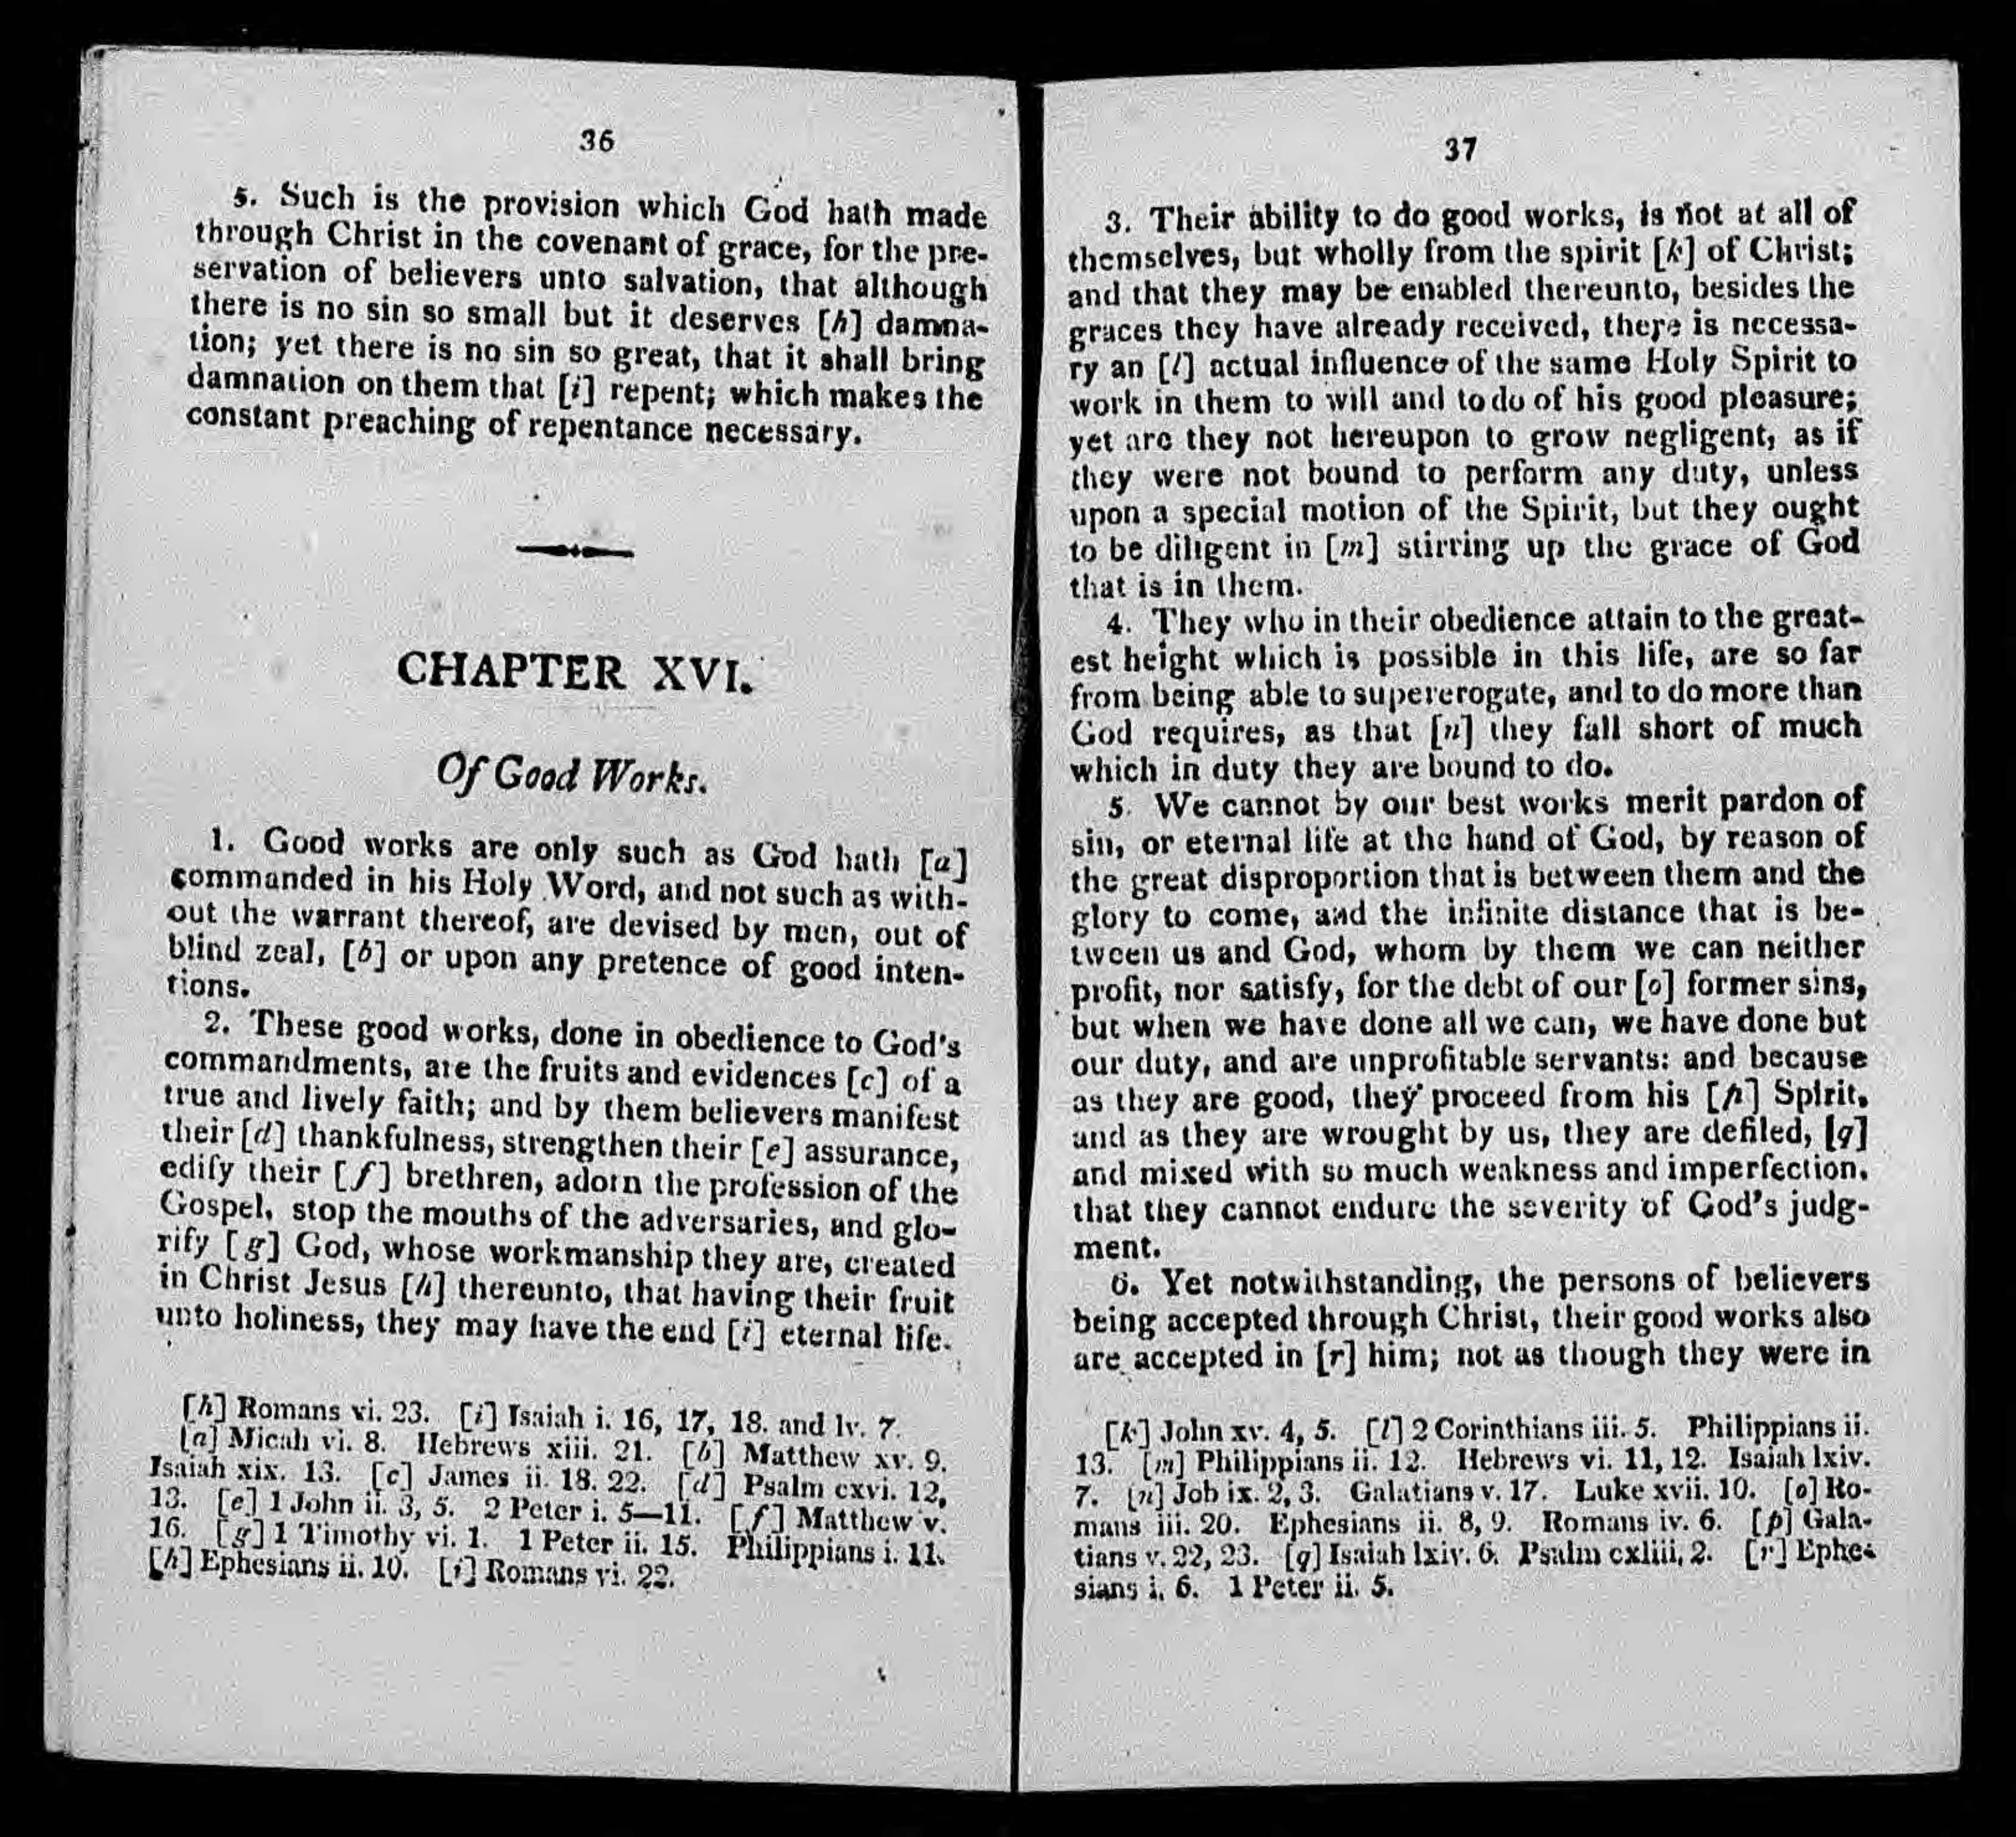[left fold]
[page] 36

5. Such is the provision which God hath made through Christ in the covenant of grace, for the preservation of believers unto salvation, that although there is no sin so small but it deserves [h] damnation; yet there is no sin so great, that it shall bring damnation on them that [i] repent; which makes the constant preaching of repentance necessary.

CHAPTER XVI.

Of Good Works.
1. Good works are only such as God hath [a] commanded in his Holy Word, and not such as without the warrant thereof, are devised by men, out of blind zeal, [b] or upon any pretense of good intentions.
2. These good works, done in obedience to God's Commandments, are the fruits and evidences [c] of true and lively faith; and by them believers manifest their [d] thankfulness, strengthen their [e] assurance, edify their [f] brethren, adorn the profession of the Gospel ,stop he mouths of the adversaries, and glorify [g] God, whose workmanship they are, created in Christ Jesus [h] thereunto, that having their fruit unto holiness, they may have the end [i] eternal life.
 
[h] Romans vi. 23. [i] Isaiah i. 16, 17, 18. and lv. 7. [a] Micha vi. 8. Hebrews xiii. 21. [b] Matthew xv. 9. Isaiah xix. 13. [c] James ii 18. 22. [d] Psalm cxi. 12, 13. [e] 1 John ii. 3, 5. 2 Peter i. 5-11. [f] Matthew v. 16. [g] 1 Timothy vi. 1. 1 Peter ii. 15.  Philippian i. 11 [h] Ephesians ii. 10. [i] romans vi. 22.

[right fold]
[page] 37

3. Their ability to do good works, is not at all of themselves, but wholly from the spirit [k] of Christ;  and that they may be enabled thereunto, besides the graces they have already received, thee is necessary and [l] actual influence of the same Holy Spirit to work in them to will and to do of his good pleasure; yet are they not hereupon to grow negligent, as if they were not bound to perform any duty, unless upon a special motion of the Spirit, but they ought to be diligent in  [m] stirring up the grace of God that is in them.
4. They who in their obedience attain to the greatest height, which is possible in this life, are so far from being able to supererogate, and to do more than God Requires, as that [n] they fall short of much which in duty they are bound to do.
5. We cannot by our best works merit pardon of sin, or eternal life at the hand of God, by reason of the great disproportion that is between them and the glory to come, and the infinite distance that is between us and God, whom by them we can neither profit, nor satisfy, for the debt of our [o] former sins, but when we have done all we can, we have done but our duty, and are unprofitable servants;  and because as they are good, they proceed from this [p] Spirit, and as they are wrought by us, they are defiled, [q] and mixed with so much weakness and imperfection. that they cannot endure the severity of God's judgement.  
6. Yet notwithstanding, the persons of believers being accepted through Christ, their good works also are accepted in [r] him; not as though they were in   
[k] John xv. 4,5 [l] 2 Corinthians ii. 5. Philippians ii. 1. [m] Philippians ii. 12. Hebrews vi. 11, 12.  Isaiah lxiv. 7. [n] Job ix 2, 3. Galatians v. 17. Luke xvii. 10. [o] Romans ii. 20. Ephesians ii. 8, 9. Romans iv. 6. [p] Galatians v. 22, 23. [q] Isaiah lxiv. 6. Psalm cxliii, 2. [r] Ephesians; i, 6. 1 Peter ii. 5.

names: Isaiah, Micah, Peter, Job, Matthew, Peter, John, Isaiah, Isaiah, Timothy, Luke, James, Peter, John, Isaiah, Matthew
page: 30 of 98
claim: widow's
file: W. 8398, William Broadway, S.C.